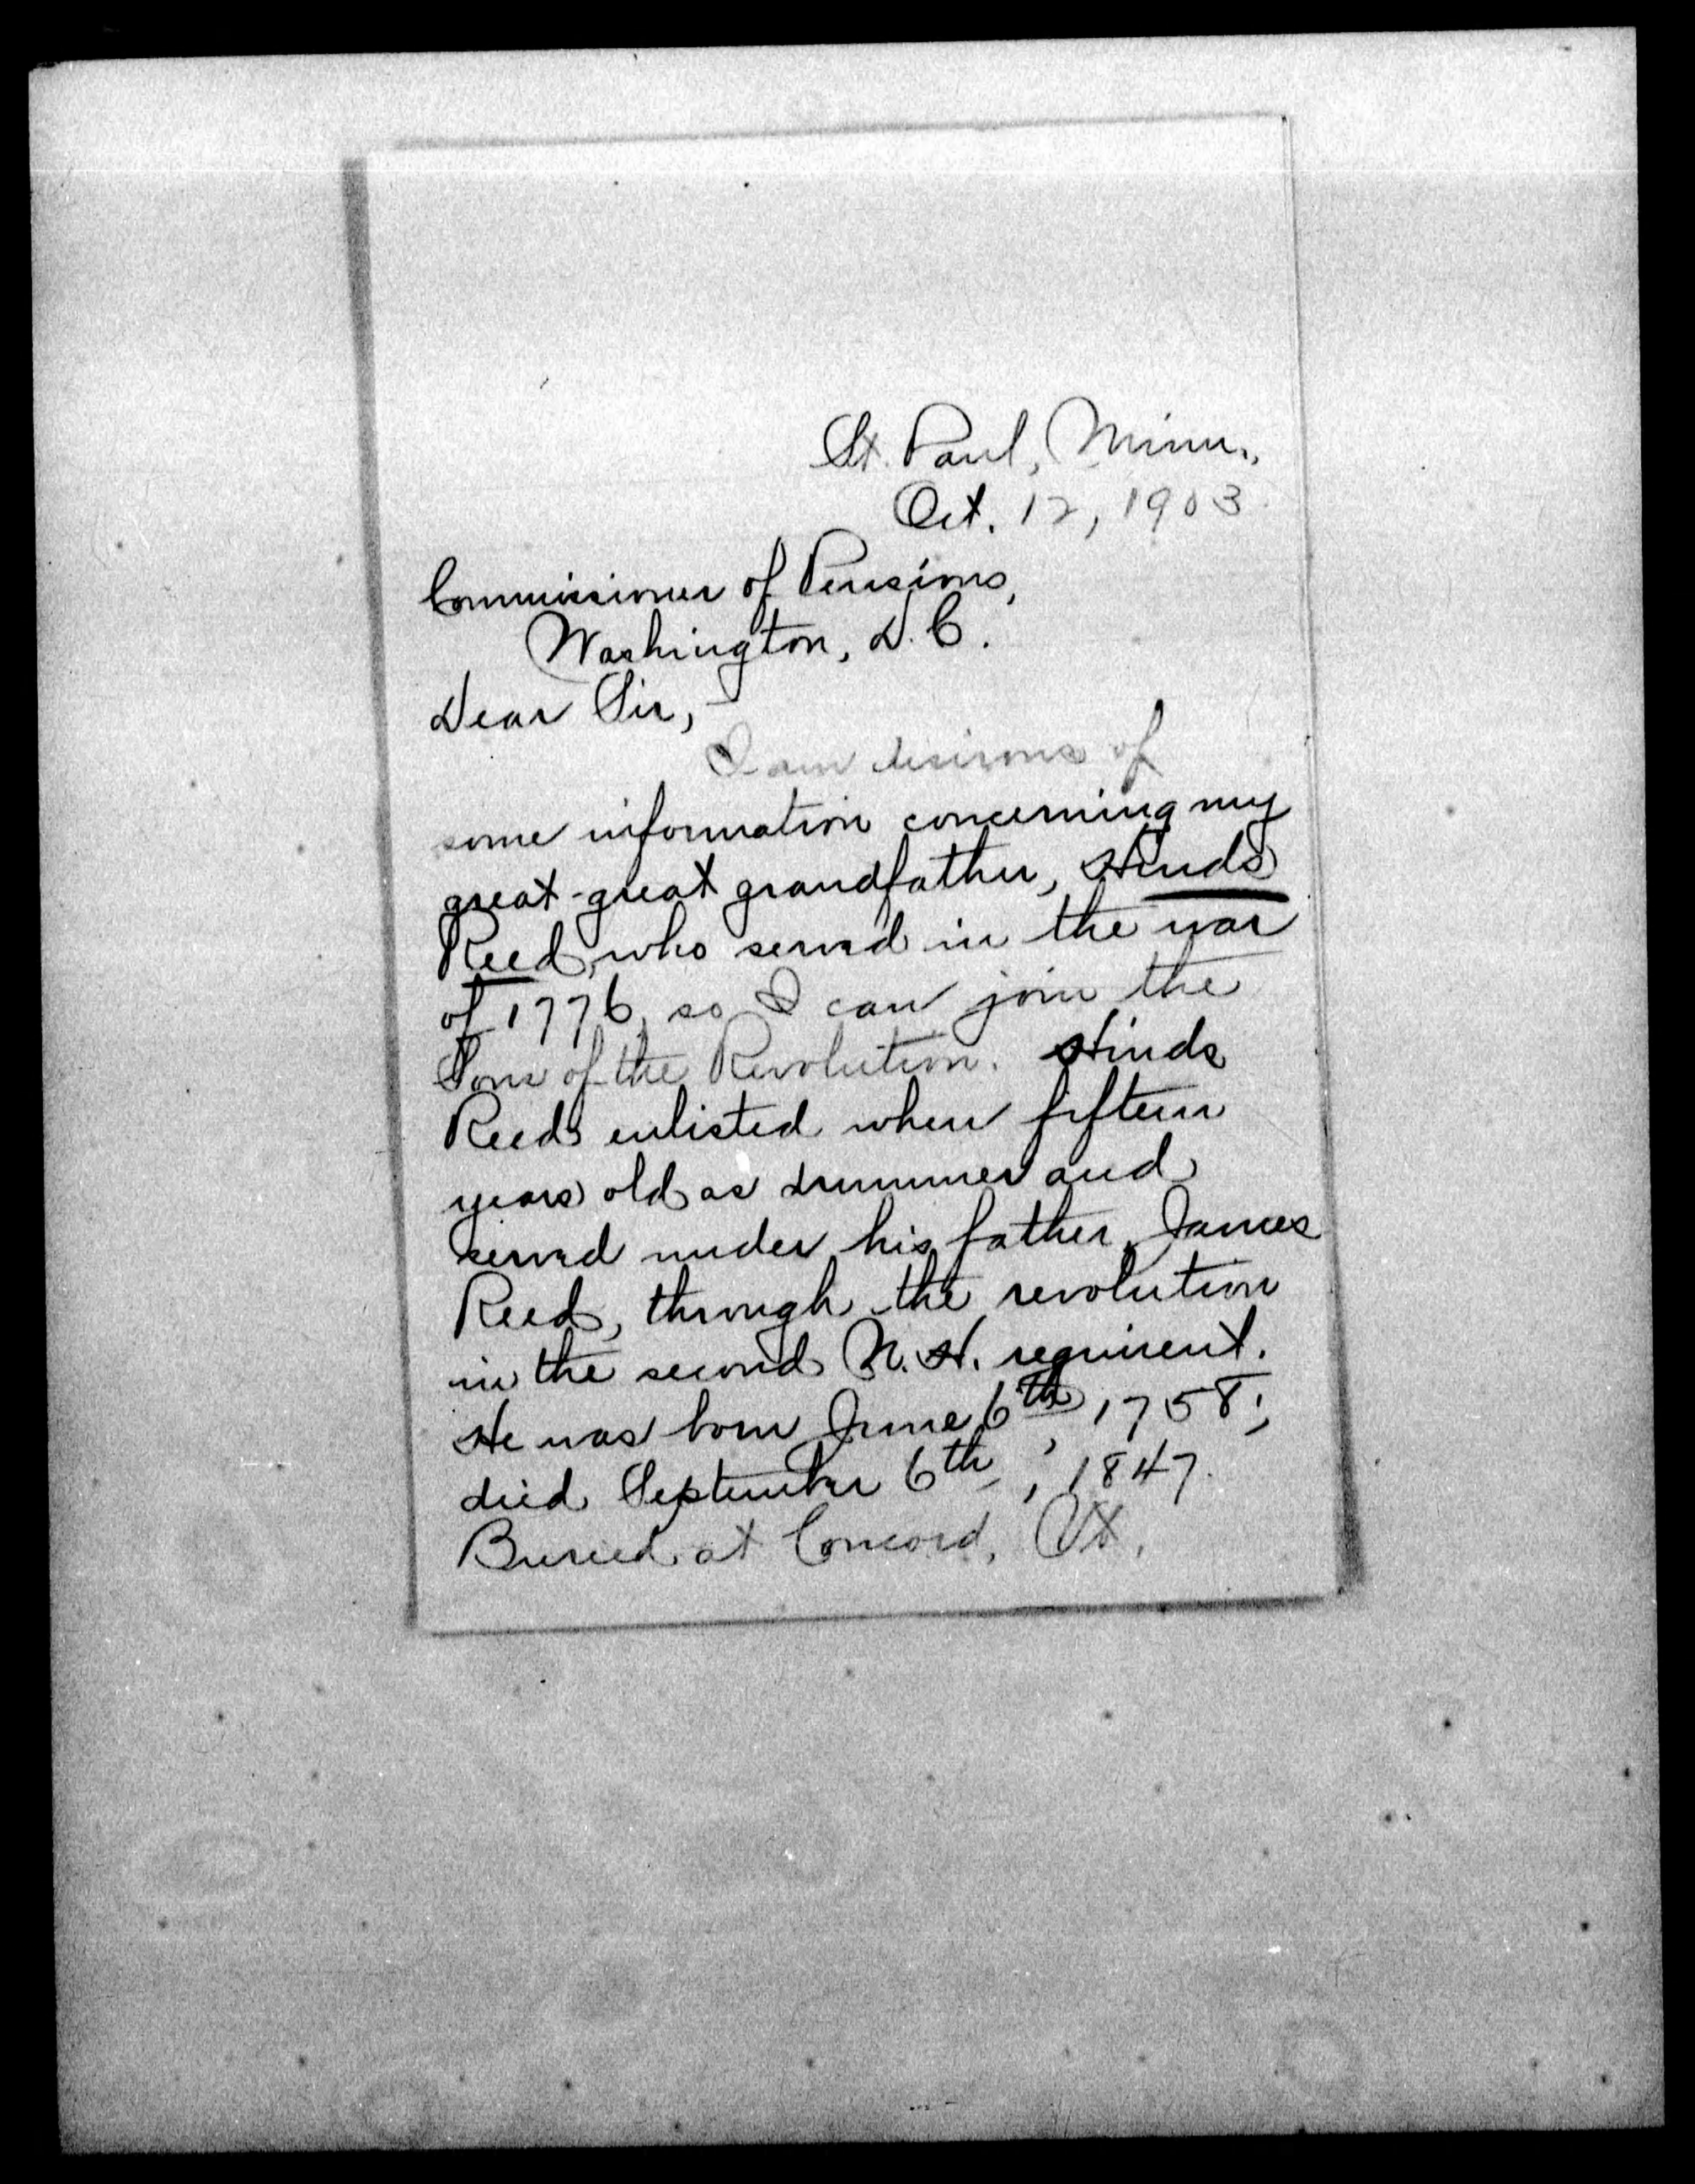St. Paul, Minn.
Oct. 12, 1903
Commissioner of Pensions,
Washington, D.C.
Dear Sir,
I am desirous of some information concerning my great-great grandfather, Hinds Reed, who served in the year of 1776, so I can join the Sons of the Revolution. Hinds Reed enlisted when fifteen years old as drummer and served under his father Janus Reed, through the revolution in the second N.H. regiment. He was born June 6th 1758, died September 6th, 1847 Buried at Concern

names: Hinds Reed; Hinds Reed; James Reed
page: 16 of 19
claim: survivor's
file: S 41975, for Hinds Reed, New Hampshire